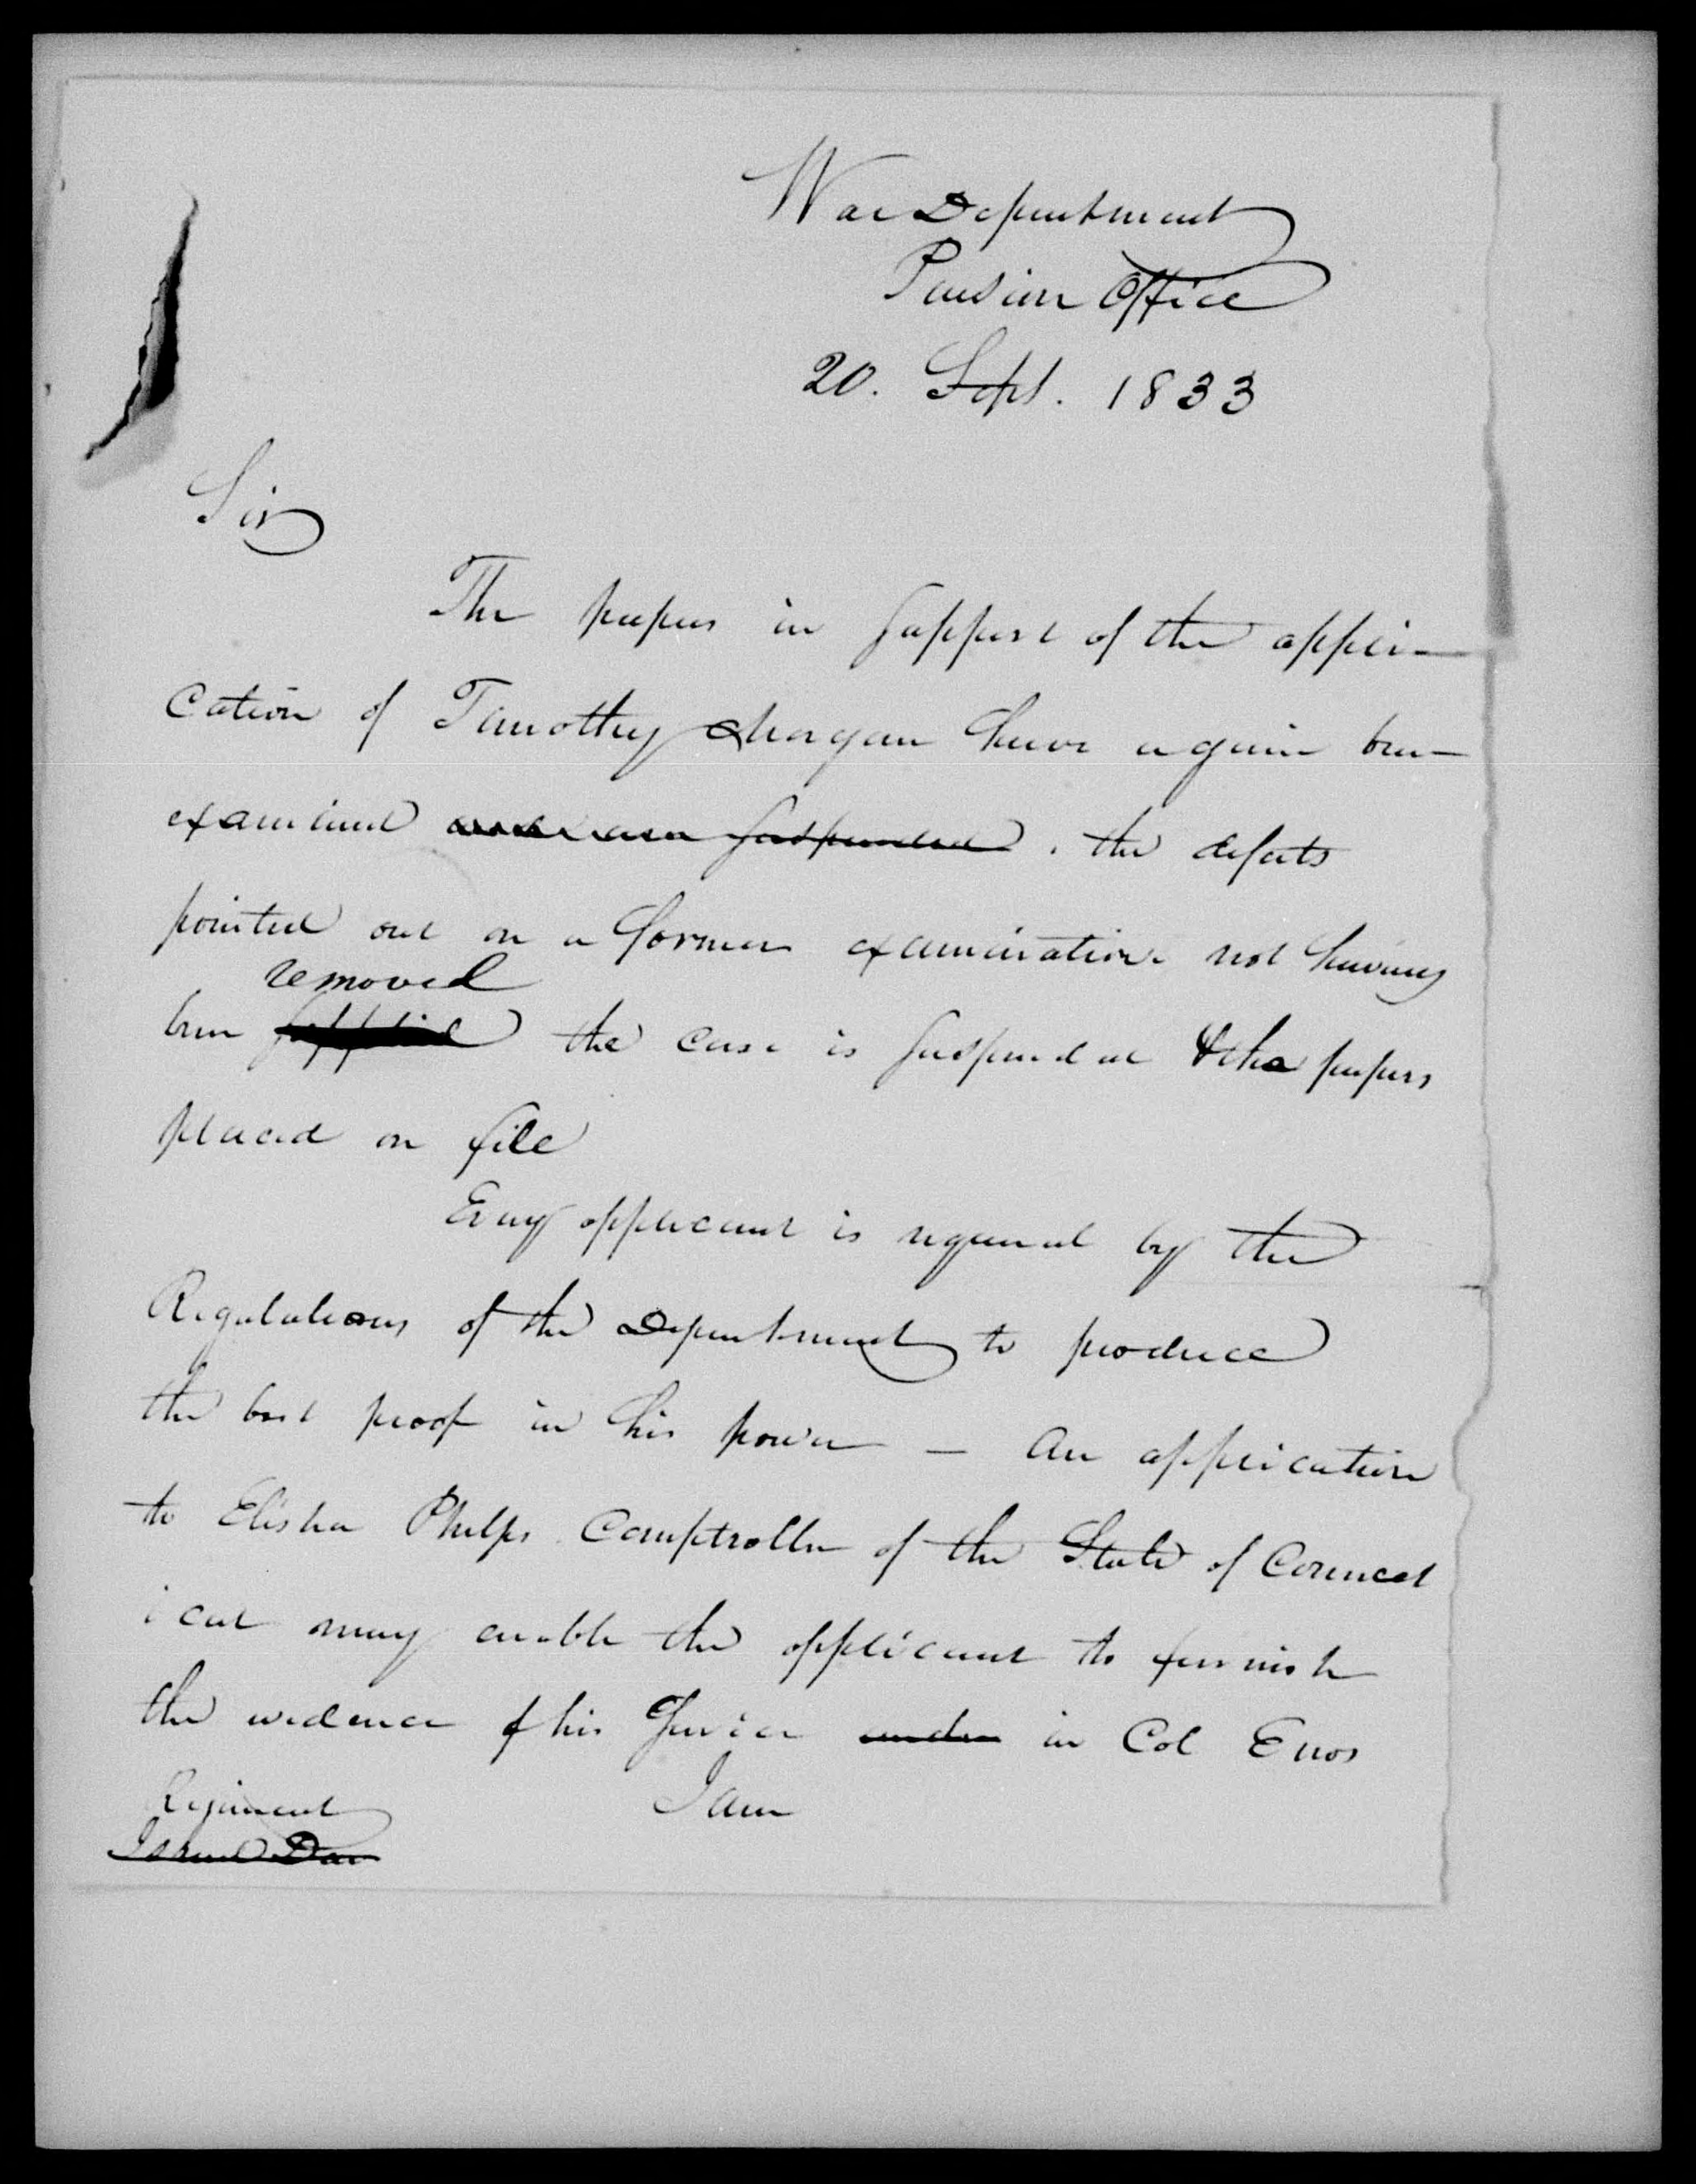War Department
Pension Office
20 Sept. 1833
Sir
The papers in support of the application 
of Timothy Morgan have again been
examined the defects
pointed out on a former examination not having
him removed the case is suspended & the papers
placed on file
Every applicant is required by the
Regulations of the Department to produce
the best proof in his power - An application
to Elisha Phelps Comptroller of the State of Connecticut
may enable the applicant to furnish
the evidence of his service under in Col Enos
Regiment
I am 
Israel Day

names: Elisha Phelps; Timothy Morgan; [BLANK] Enos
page: 14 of 19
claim: rejected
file: R 7390, for Timothy Morgan, Connecticut